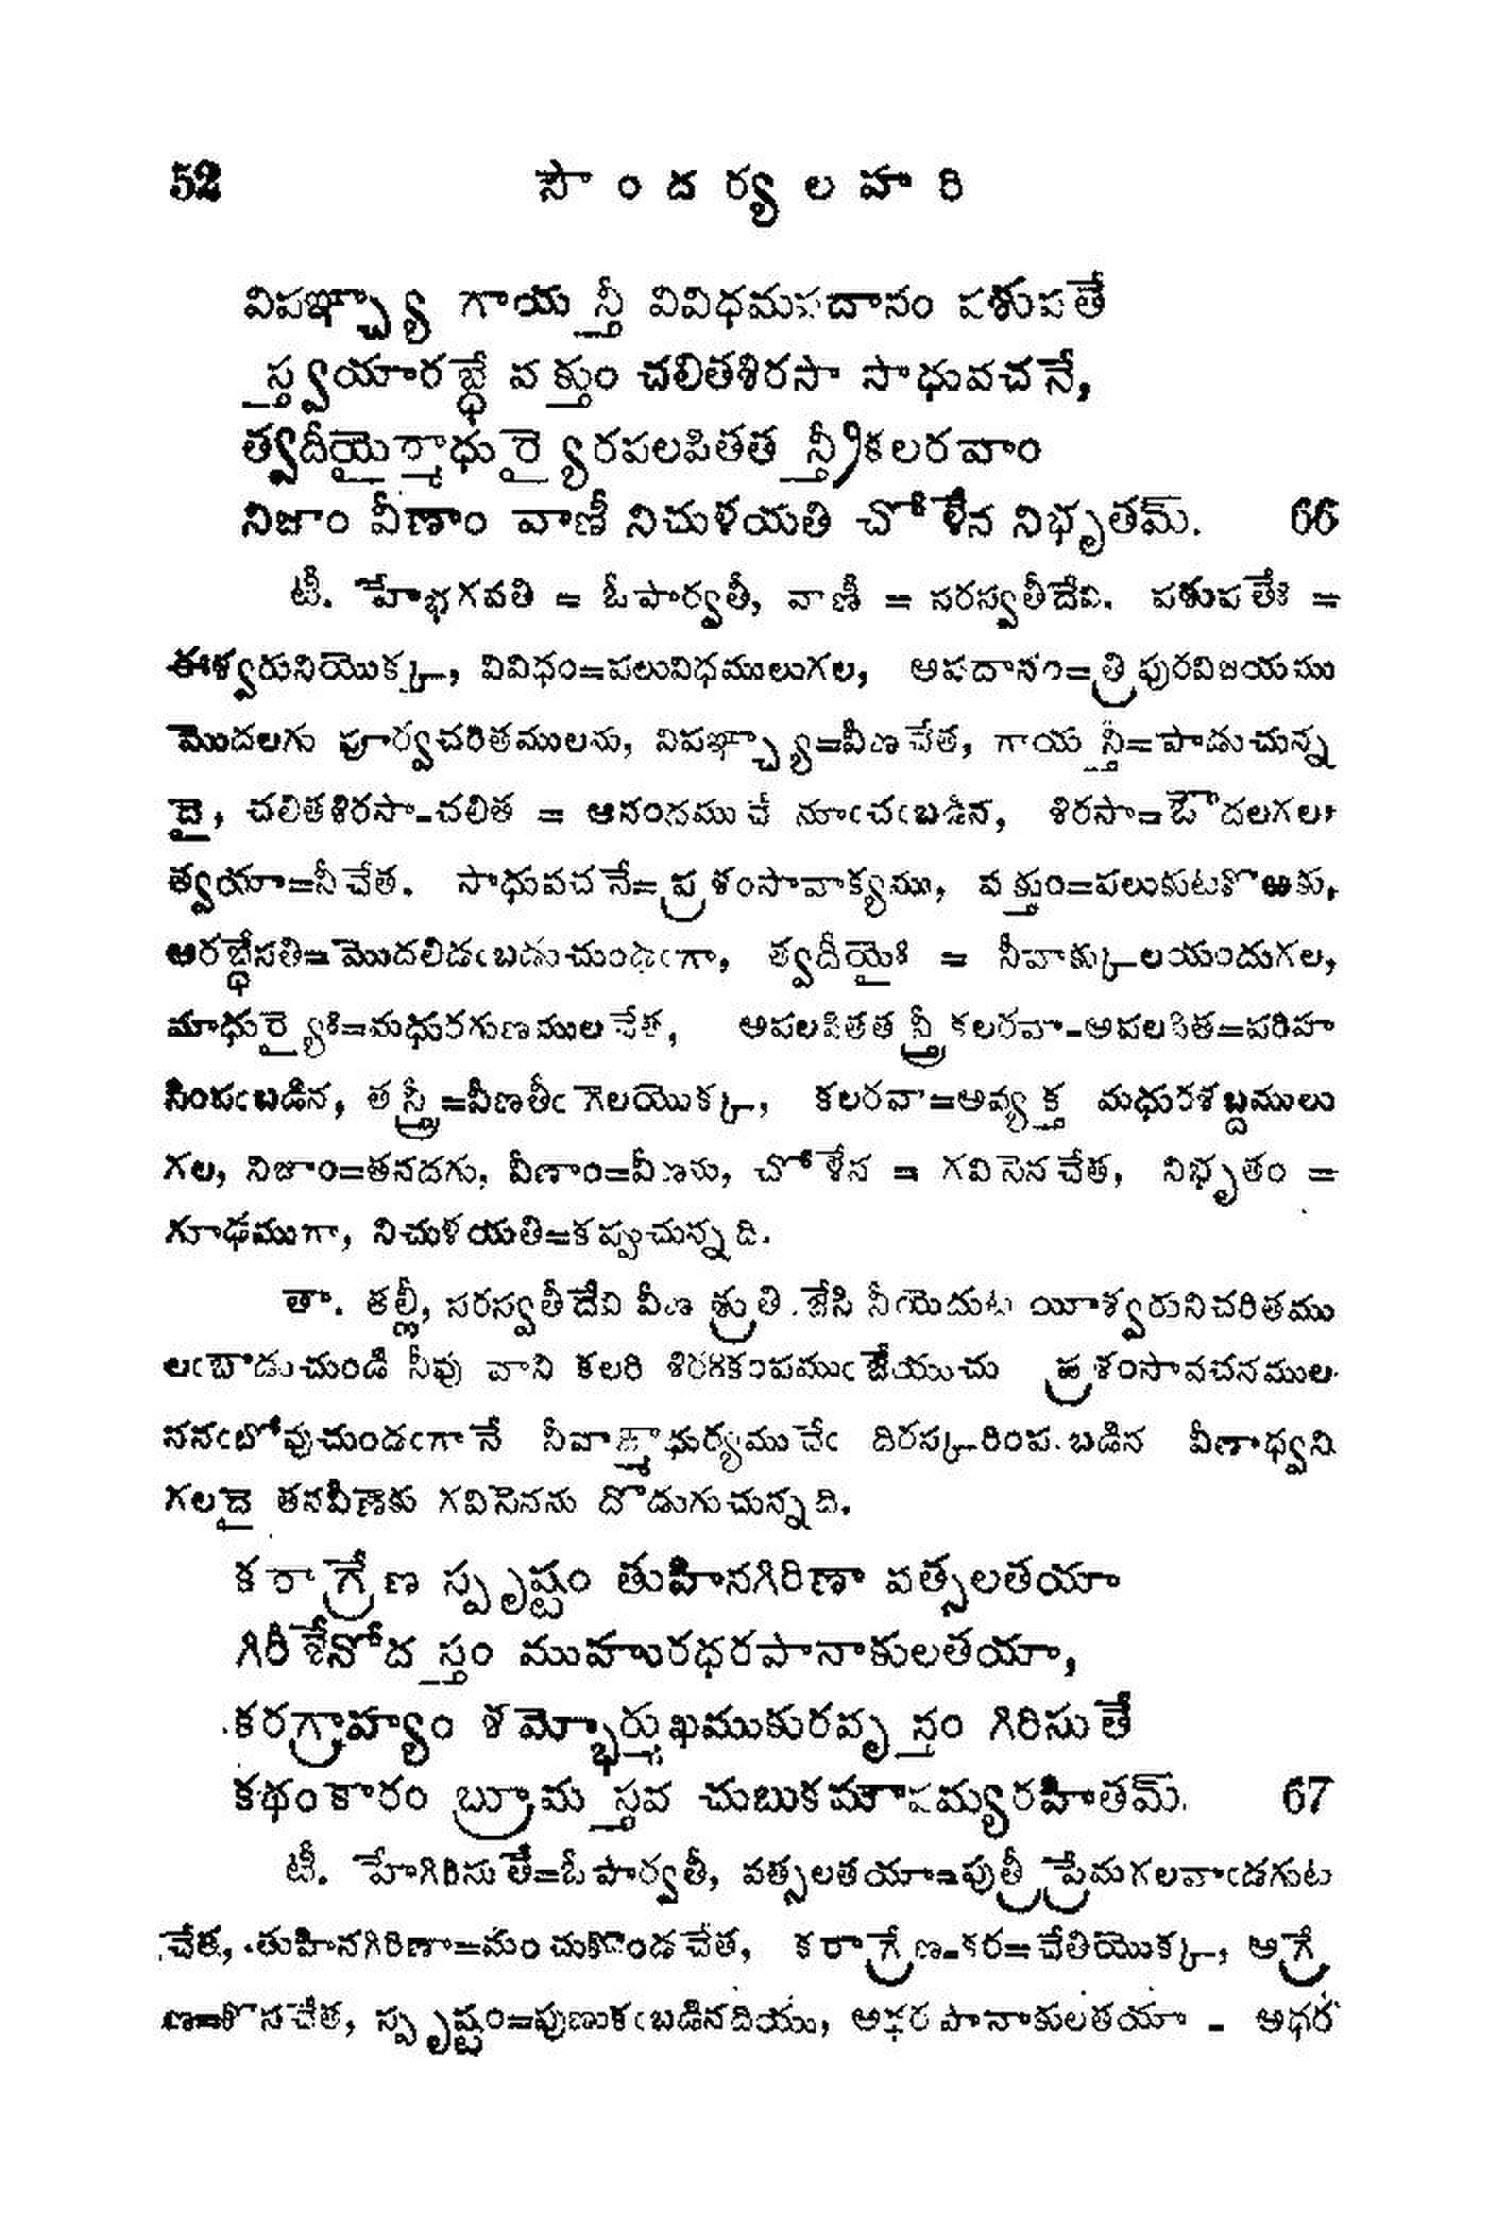విపఞ్చ్యా గాయన్తీ వివిధమపదానం పశుపతే
స్త్వయారబ్థే వక్తుం చలితశిరసా సాధువచనే,
త్వదీయైర్మాధుర్యైరపలపితతన్త్రీకలరవాం
నిజాం వీణాం వాణీ నిచుళయతి చోళేన నిభృతమ్. 66
టీ. హేభగవతి = ఓపార్వతీ, వాణీ = సరస్వతీదేవి, పశుపతేః = ఈశ్వరునియొక్క, వివిధం = పలువిధములుగల, అపదానం = త్రిపురవిజయము మొదలగు పూర్వచరితములను, విపఞ్చ్యా = వీణచేత, గాయన్తీ = పాడుచున్నదై, చలితశిరసా-చలిత = ఆనందముచే నూఁచఁబడిన, శిరసా = ఔదలగలది, త్వయా = నీచేత, సాధువచనే = ప్రశంసావాక్యము, వక్తుం = పలుకుటకొఱకు, అరబ్థేసతి = మొదలిడఁబడుచుండఁగా, త్వదీయైః = నీవాక్కులయందుగల, మాధుర్యైః = మధురగుణములచేత, అపలపితతన్త్రీకలరవా-అపలపిత = పరిహసింపఁబడిన, తన్త్రీ = వీణతీఁగెలయొక్క, కలరవా = అవ్యక్త మధురశబ్దములు గల, నిజాం = తనదగు, వీణాణ్ = వీణను, చోళేన = గవిసెనచేత, నిభృతం = గూఢముగా, నిచుళయతి = కప్పుచున్నది.

తా. తల్లీ, సరస్వతీదేవి వీణ శ్రుతి జేసి నీయెదుట యీశ్వరునిచరితములఁ బాడుచుండి నీవు వాని కలరి శిరఃకంపముఁజేయుచు ప్రశంసావచనముల ననఁబోవుచుండఁగానే నీవాఙ్మాధుర్యముచేఁ దిరస్కరింపఁబడిన వీణాధ్వని గలదై తనవీణెకు గవిసెనను దొడుగుచున్నది.

కరాగ్రేణ స్పృష్టం తుహినగిరిణా వత్సలతయా
గిరీశేనోదస్తం ముహురధరపానాకులతయా, 
కరగ్రాహ్యం శమ్భోర్ముఖముకురవృన్తం గిరిసుతే
కథంకారం బ్రూమస్తవ చుబుకమౌపమ్యరహితమ్. 67
టీ. హేగిరిసుతే = ఓపార్వతీ, వత్సలతయా = పుత్రీప్రేమగలవాఁడుగుటచేత, తుహినగిరిణా = మంచుకొండచేత, కరాగ్రేణ-కర = చేతియొక్క, అగ్రేణ = కొసచేత, స్పృష్టం = పుణుకఁబడినదియు, అధరపానాకులతయా - అధర